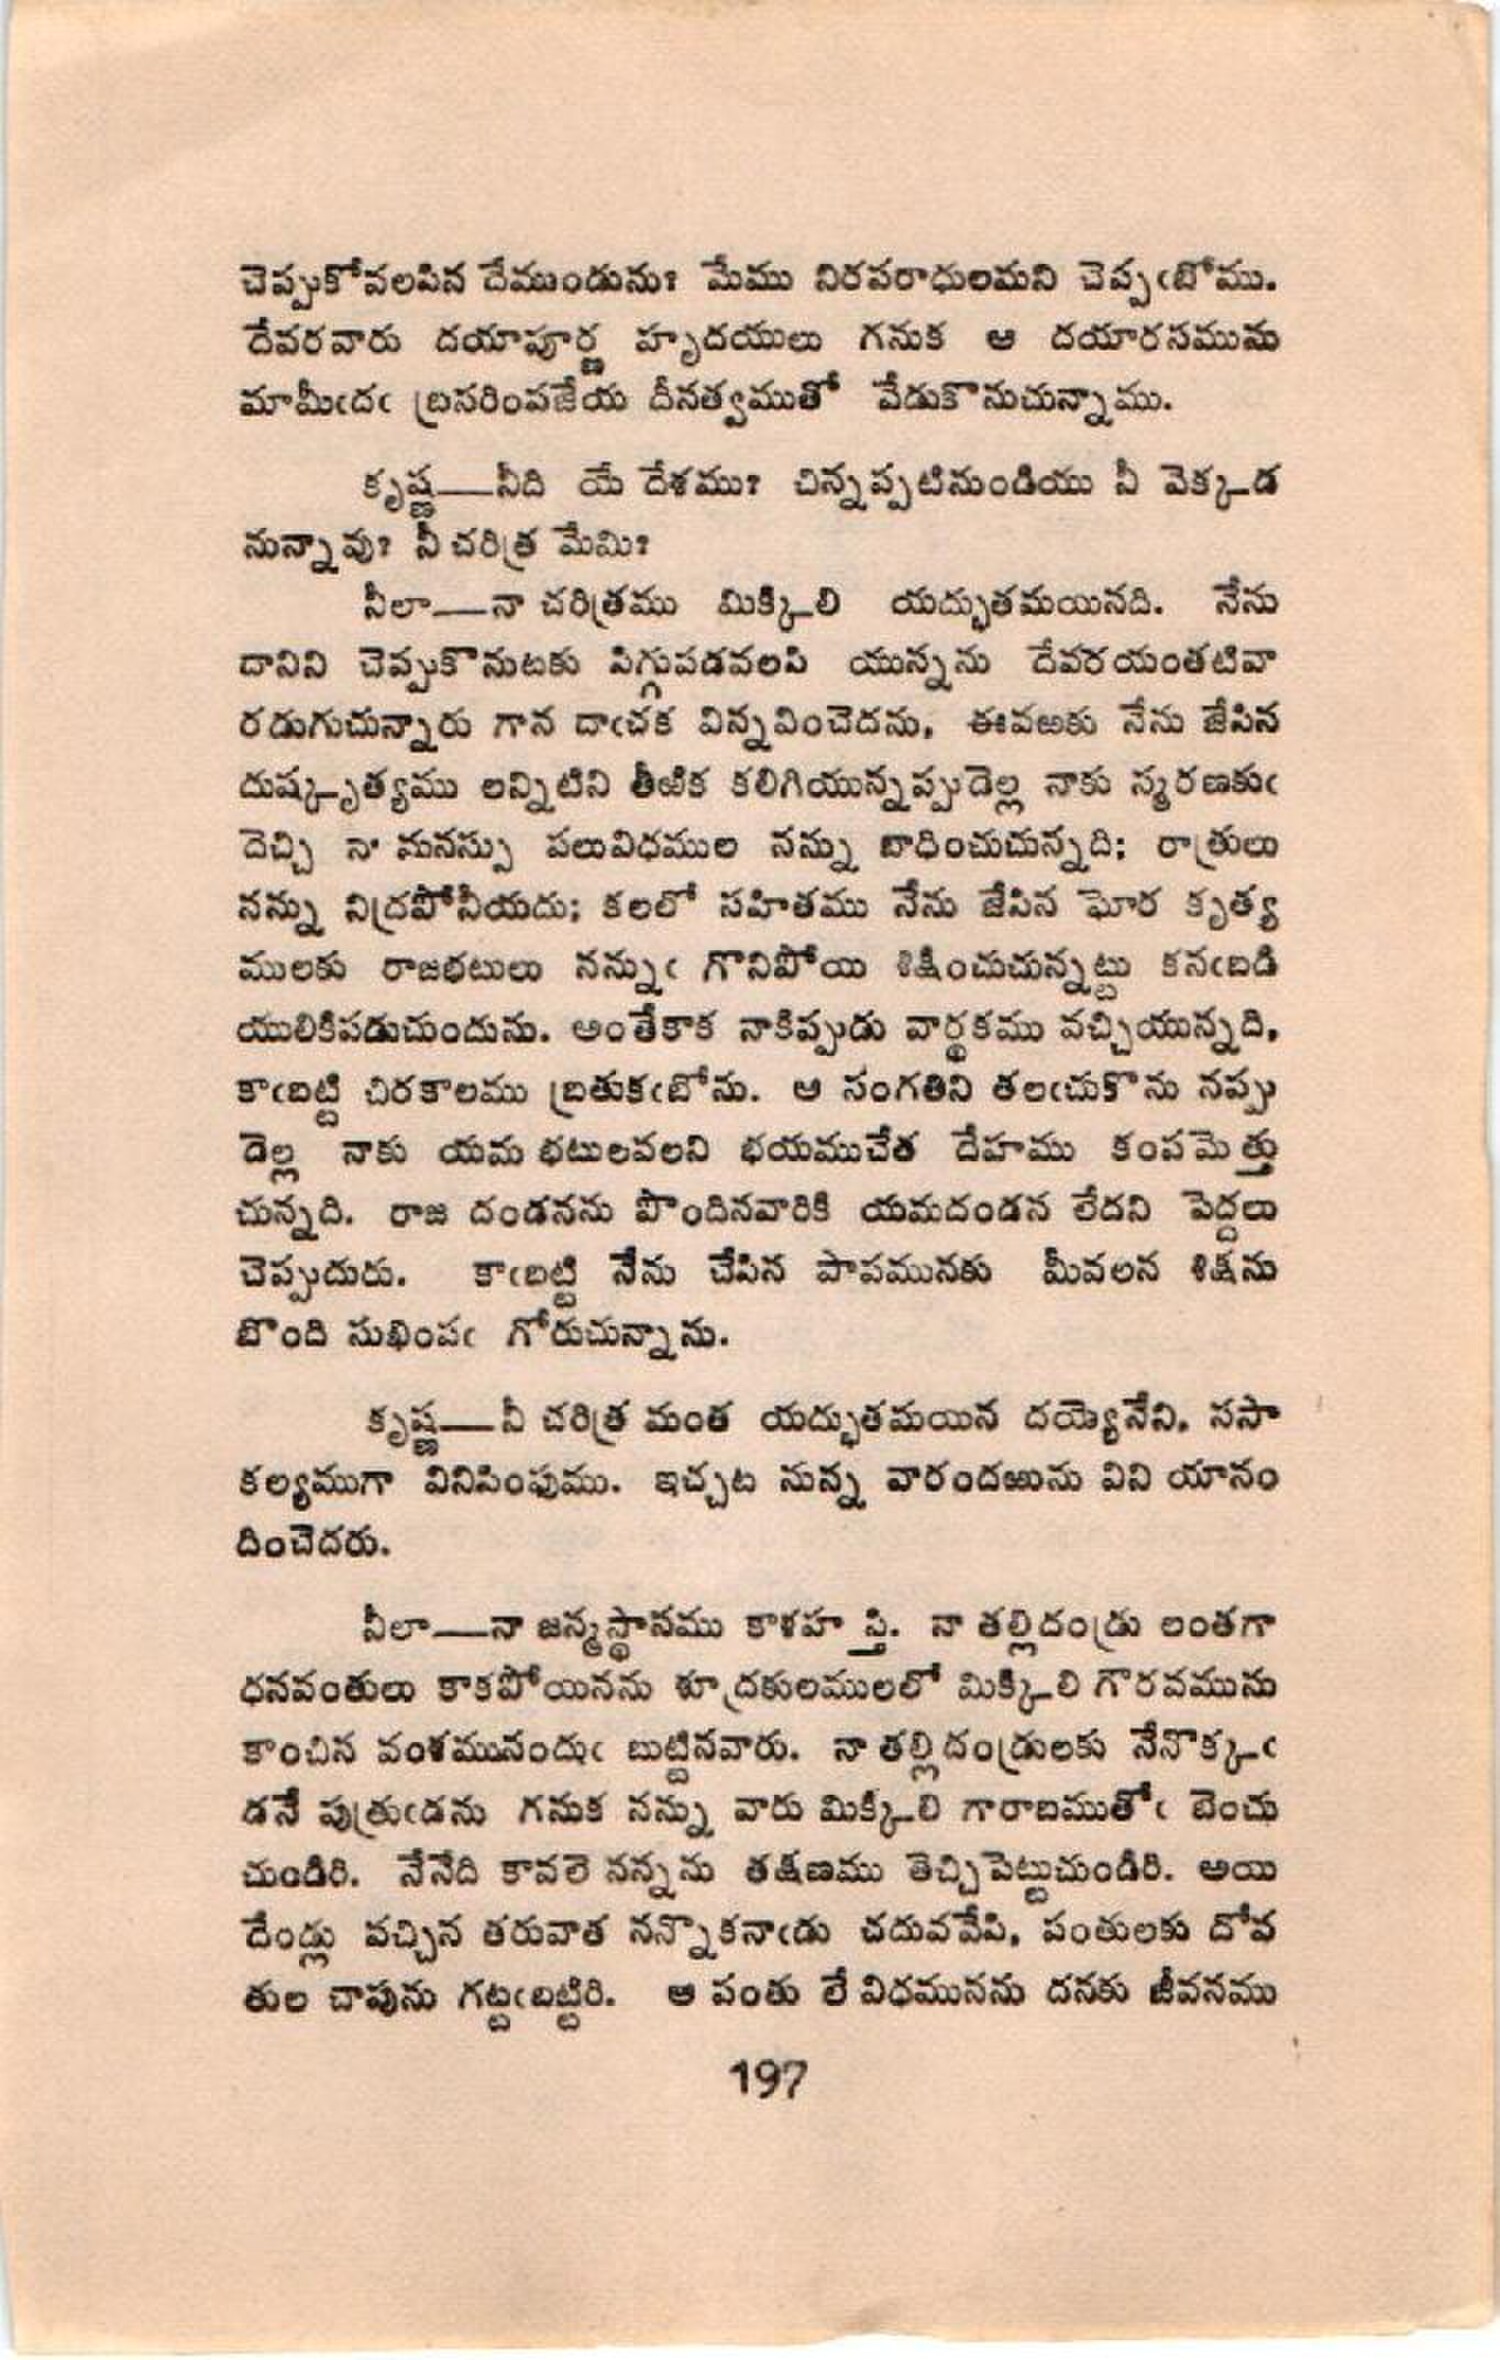చెప్పుకోవలసిన దేముండును? మేము నిరపరాధులమని చెప్పఁబోము. దేవరవారు దయాపూర్ణ హృదయులు గనుక ఆ దయారసమును మామీఁదఁ బ్రసరింపజేయ దీనత్వముతో వేడుకొనుచున్నాము.

కృష్ణ__నీది యే దేశము? చిన్నప్పటినుండియు నీ వెక్కడ నున్నావు? నీ చరిత్ర మేమి?

నీలా__నా చరిత్రము మిక్కిలి యద్భుతమయినది. నేను దానిని చెప్పుకొనుటకు సిగ్గుపడవలసి యున్నను దేవరయంతటివా రడుగుచున్నారు గాన దాఁచక విన్నవించెదను. ఈవఱకు నేను జేసిన దుష్కృత్యము లన్నిటిని తీఱిక కలిగియున్నప్పడెల్ల నాకు స్మరణకుఁ దెచ్చి నా మనస్సు పలువిధముల నన్ను బాధించుచున్నది; రాత్రులు నన్ను నిద్రపోనీయదు; కలలో సహితము నేను జేసిన ఘోర కృత్యములకు రాజభటులు నన్నుఁ గొనిపోయి శిక్షించుచున్నట్టు కనఁబడి యులికి పడుచుందును. అంతేకాక నాకిప్పుడు వార్ధకము వచ్చియున్నది, కాబట్టి చిరకాలము బ్రతుకఁబోను. ఆ సంగతిని తలఁచుకొను నప్పు డెల్ల నాకు యమభటులవలని భయముచేత దేహము కంపమెత్తు చున్నది. రాజ దండనను పొందినవారికి యమదండన లేదని పెద్దలు చెప్పుదురు. కాబట్టి నేను చేసిన పాపమునకు మీవలన శిక్షను బొంది సుఖింపఁ గోరుచున్నాను.

కృష్ణ__నీ చరిత్ర మంత యద్భుతమయిన దయ్యెనేని, ససాకల్యముగా వినిపింపుము. ఇచ్చట నున్న వారందఱును విని యానందించెదరు.

నీలా__నా జన్మస్థానము కాళహస్తి. నా తల్లిదండ్రు లంతగా ధనవంతులు కాకపోయినను శూద్రకులములలో మిక్కిలి గౌరవమును కాంచిన వంశమునందుఁ బుట్టినవారు. నా తల్లిదండ్రులకు నేనొక్కఁ డనే పుత్రుఁడను గనుక నన్ను వారు మిక్కిలి గారాబముతోఁ బెంచు చుండిరి. నేనేది కావలెనన్నను తక్షణము తెచ్చిపెట్టుచుండిరి. అయి దేండ్లు వచ్చిన తరువాత నన్నొకనాఁడు చదువవేసి, పంతులకు దోవతుల చాపును గట్టఁబట్టిరి. ఆ పంతు లేవిధమునను దనకు జీవనము